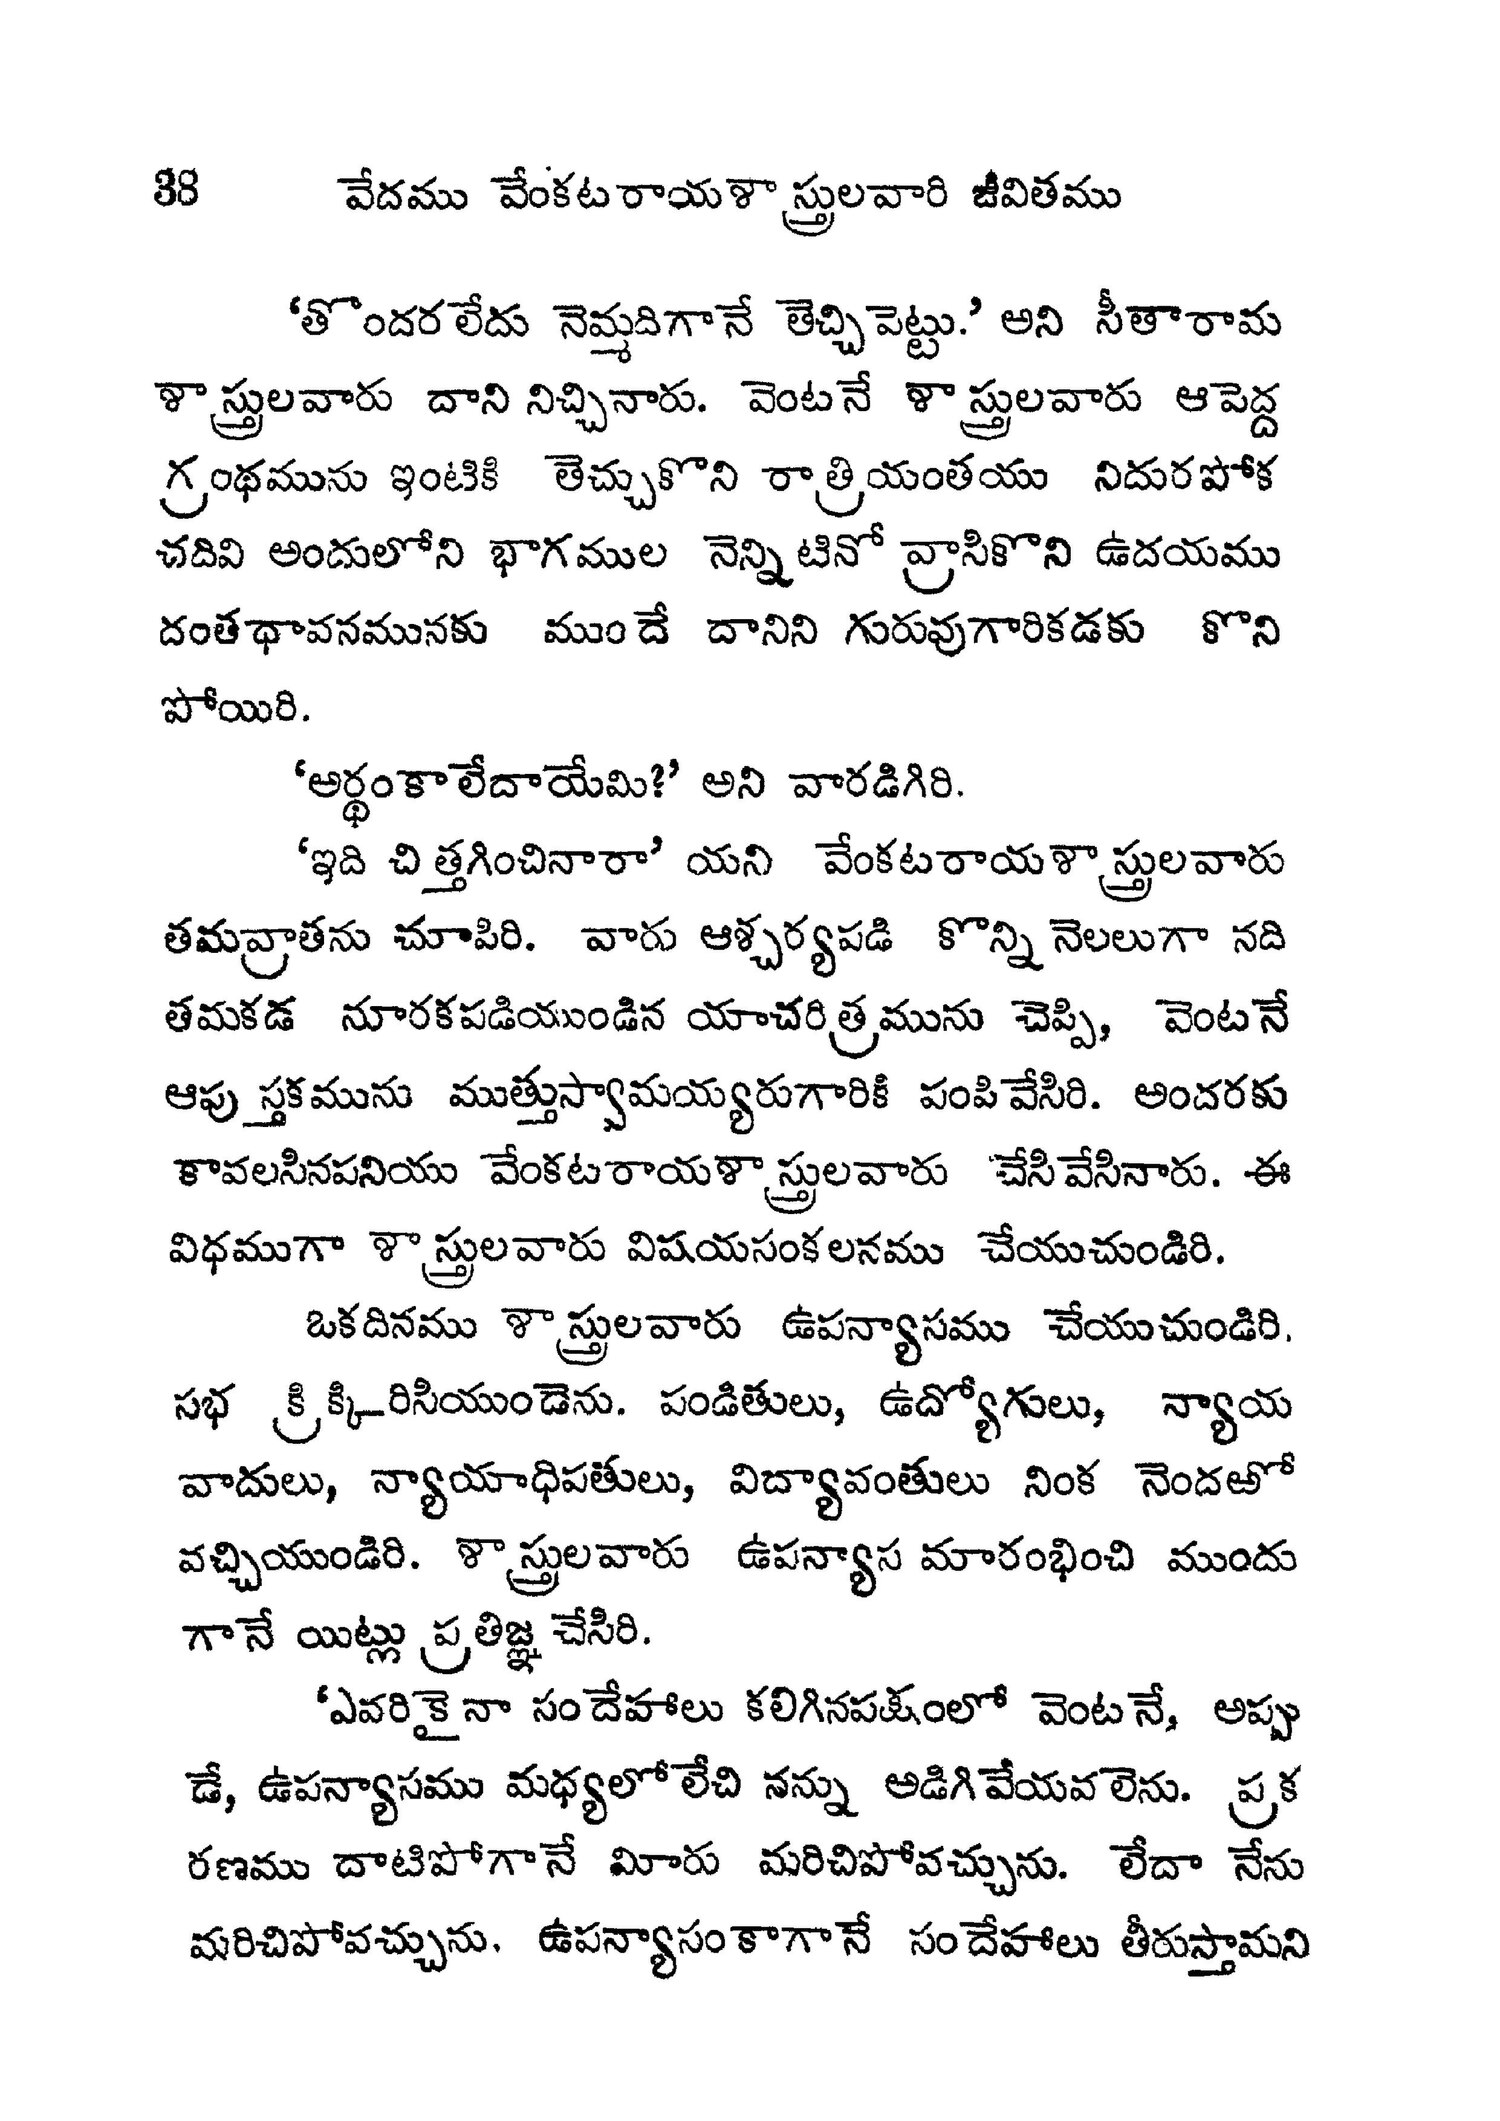'తొందరలేదు నెమ్మదిగానే తెచ్చిపెట్టు' అని సీతారామశాస్త్రులవారు దాని నిచ్చినారు. వెంటనే శాస్త్రులవారు ఆపెద్ద గ్రంథమును ఇంటికి తెచ్చుకొని రాత్రియంతయు నిదురపోక చదివి అందులోని భాగముల నెన్నిటినో వ్రాసికొని ఉదయము దంతథావనమునకు ముందే దానిని గురువుగారికడకు కొని పోయిరి.

'అర్థంకాలేదాయేమి?' అని వారడిగిరి.

'ఇది చిత్తగించినారా' యని వేంకటరాయశాస్త్రులవారు తమవ్రాతను చూపిరి. వారు ఆశ్చర్యపడి కొన్ని నెలలుగా నది తమకడ నూరకపడియుండిన యాచరిత్రమును చెప్పి, వెంటనే ఆపుస్తకమును ముత్తుస్వామయ్యరుగారికి పంపివేసిరి. అందరకు కావలసినపనియు వేంకటరాయశాస్త్రులవారు చేసివేసినారు. ఈ విధముగా శాస్త్రులవారు విషయసంకలనము చేయుచుండిరి.

ఒకదినము శాస్త్రులవారు ఉపన్యాసము చేయుచుండిరి. సభ క్రిక్కిరిసియుండెను. పండితులు, ఉద్యోగులు, న్యాయవాదులు, న్యాయాధిపతులు, విద్యావంతులు నింక నెందఱో వచ్చియుండిరి. శాస్త్రులవారు ఉపన్యాస మారంభించి ముందుగానే యిట్లు ప్రతిజ్ఞచేసిరి.

'ఎవరికైనా సందేహాలు కలిగినపక్షంలో వెంటనే, అప్పుడే, ఉపన్యాసము మధ్యలోలేచి నన్ను అడిగివేయవలెను. ప్రకరణము దాటిపోగానే మీరు మరిచిపోవచ్చును. లేదా నేను మరిచిపోవచ్చును. ఉపన్యాసంకాగానే సందేహాలు తీరుస్తామని